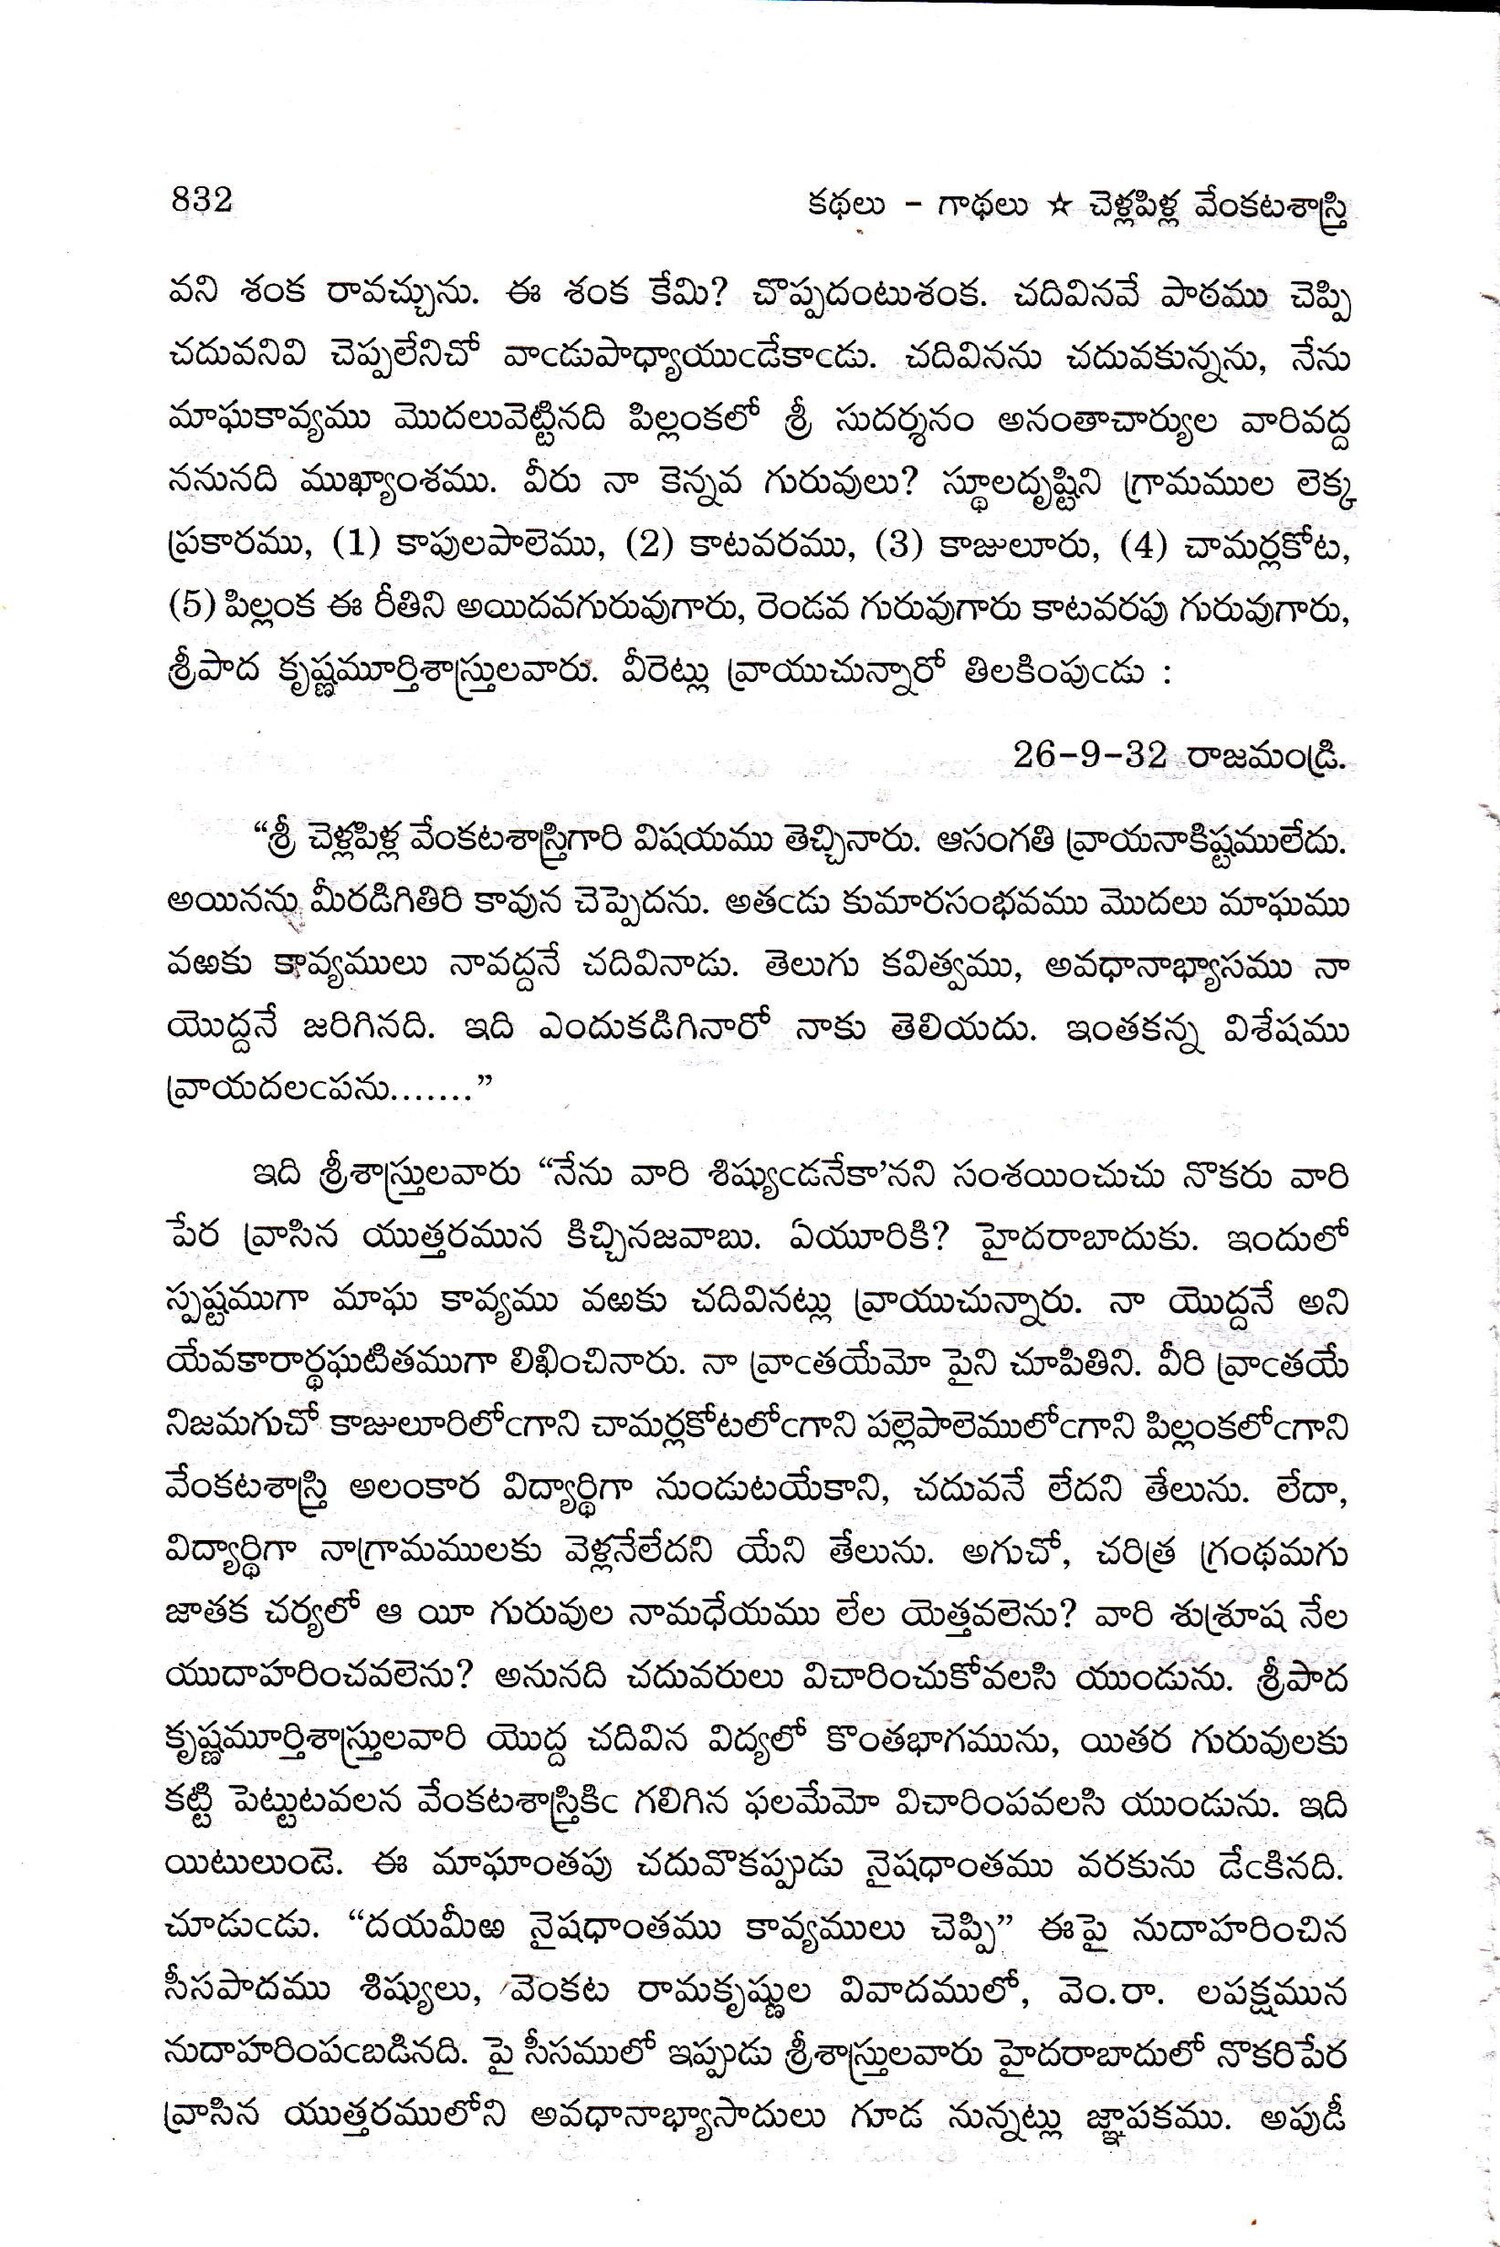వని శంక రావచ్చును. ఈ శంక కేమి? చొప్పదంటుశంక. చదివినవే పాఠము చెప్పి చదువనివి చెప్పలేనిచో వాఁడుపాధ్యాయుఁడేకాఁడు. చదివినను చదువకున్నను, నేను మాఘకావ్యము మొదలువెట్టినది పిల్లంకలో శ్రీ సుదర్శనం అనంతాచార్యుల వారివద్ద ననునది ముఖ్యాంశము. వీరు నా కెన్నవ గురువులు? స్థూలదృష్టిని గ్రామముల లెక్క ప్రకారము, (1) కాపులపాలెము, (2) కాటవరము, (3) కాజులూరు, (4) చామర్లకోట, (5) పిల్లంక ఈ రీతిని అయిదవగురువుగారు, రెండవ గురువుగారు కాటవరపు గురువుగారు, శ్రీపాద కృష్ణమూర్తిశాస్త్రులవారు. వీరెట్లు వ్రాయుచున్నారో తిలకింపుఁడు :

"శ్రీ చెళ్లపిళ్ల వేంకటశాస్త్రిగారి విషయము తెచ్చినారు. ఆసంగతి వ్రాయనాకిష్టములేదు. అయినను మీరడిగితిరి కావున చెప్పెదను. అతఁడు కుమారసంభవము మొదలు మాఘము వఱకు కావ్యములు నావద్దనే చదివినాడు. తెలుగు కవిత్వము, అవధానాభ్యాసము నా యొద్దనే జరిగినది. ఇది ఎందుకడిగినారో నాకు తెలియదు. ఇంతకన్న విశేషము వ్రాయదలఁపను......."

ఇది శ్రీశాస్త్రులవారు “నేను వారి శిష్యుఁడనేకా'నని సంశయించుచు నొకరు వారి పేర వ్రాసిన యుత్తరమున కిచ్చినజవాబు. ఏయూరికి? హైదరాబాదుకు. ఇందులో స్పష్టముగా మాఘ కావ్యము వఱకు చదివినట్లు వ్రాయుచున్నారు. నా యొద్దనే అని యేవకారార్థఘటితముగా లిఖించినారు. నా వ్రాఁతయేమో పైని చూపితిని. వీరి వ్రాఁతయే నిజమగుచో కాజులూరిలోఁగాని చామర్లకోటలోఁగాని పల్లెపాలెములోఁగాని పిల్లంకలోఁగాని వేంకటశాస్త్రి అలంకార విద్యార్థిగా నుండుటయేకాని, చదువనే లేదని తేలును. లేదా, విద్యార్థిగా నాగ్రామములకు వెళ్లనేలేదని యేని తేలును. అగుచో, చరిత్ర గ్రంథమగు జాతక చర్యలో ఆ యీ గురువుల నామధేయము లేల యెత్తవలెను? వారి శుశ్రూష నేల యుదాహరించవలెను? అనునది చదువరులు విచారించుకోవలసి యుండును. శ్రీపాద కృష్ణమూర్తిశాస్త్రులవారి యొద్ద చదివిన విద్యలో కొంతభాగమును, యితర గురువులకు కట్టి పెట్టుటవలన వేంకటశాస్త్రికిఁ గలిగిన ఫలమేమో విచారింపవలసి యుండును. ఇది యిటులుండె. ఈ మాఘాంతపు చదువొకప్పుడు నైషధాంతము వరకును డేcకినది. చూడుఁడు. "దయమీఱ నైషధాంతము కావ్యములు చెప్పి" ఈపై నుదాహరించిన సీసపాదము శిష్యులు, వెంకట రామకృష్ణుల వివాదములో, వెం.రా. లపక్షమున నుదాహరింపఁబడినది. పై సీసములో ఇప్పుడు శ్రీశాస్త్రులవారు హైదరాబాదులో నొకరిపేర వ్రాసిన యుత్తరములోని అవధానాభ్యాసాదులు గూడ నున్నట్లు జ్ఞాపకము. అపుడీ